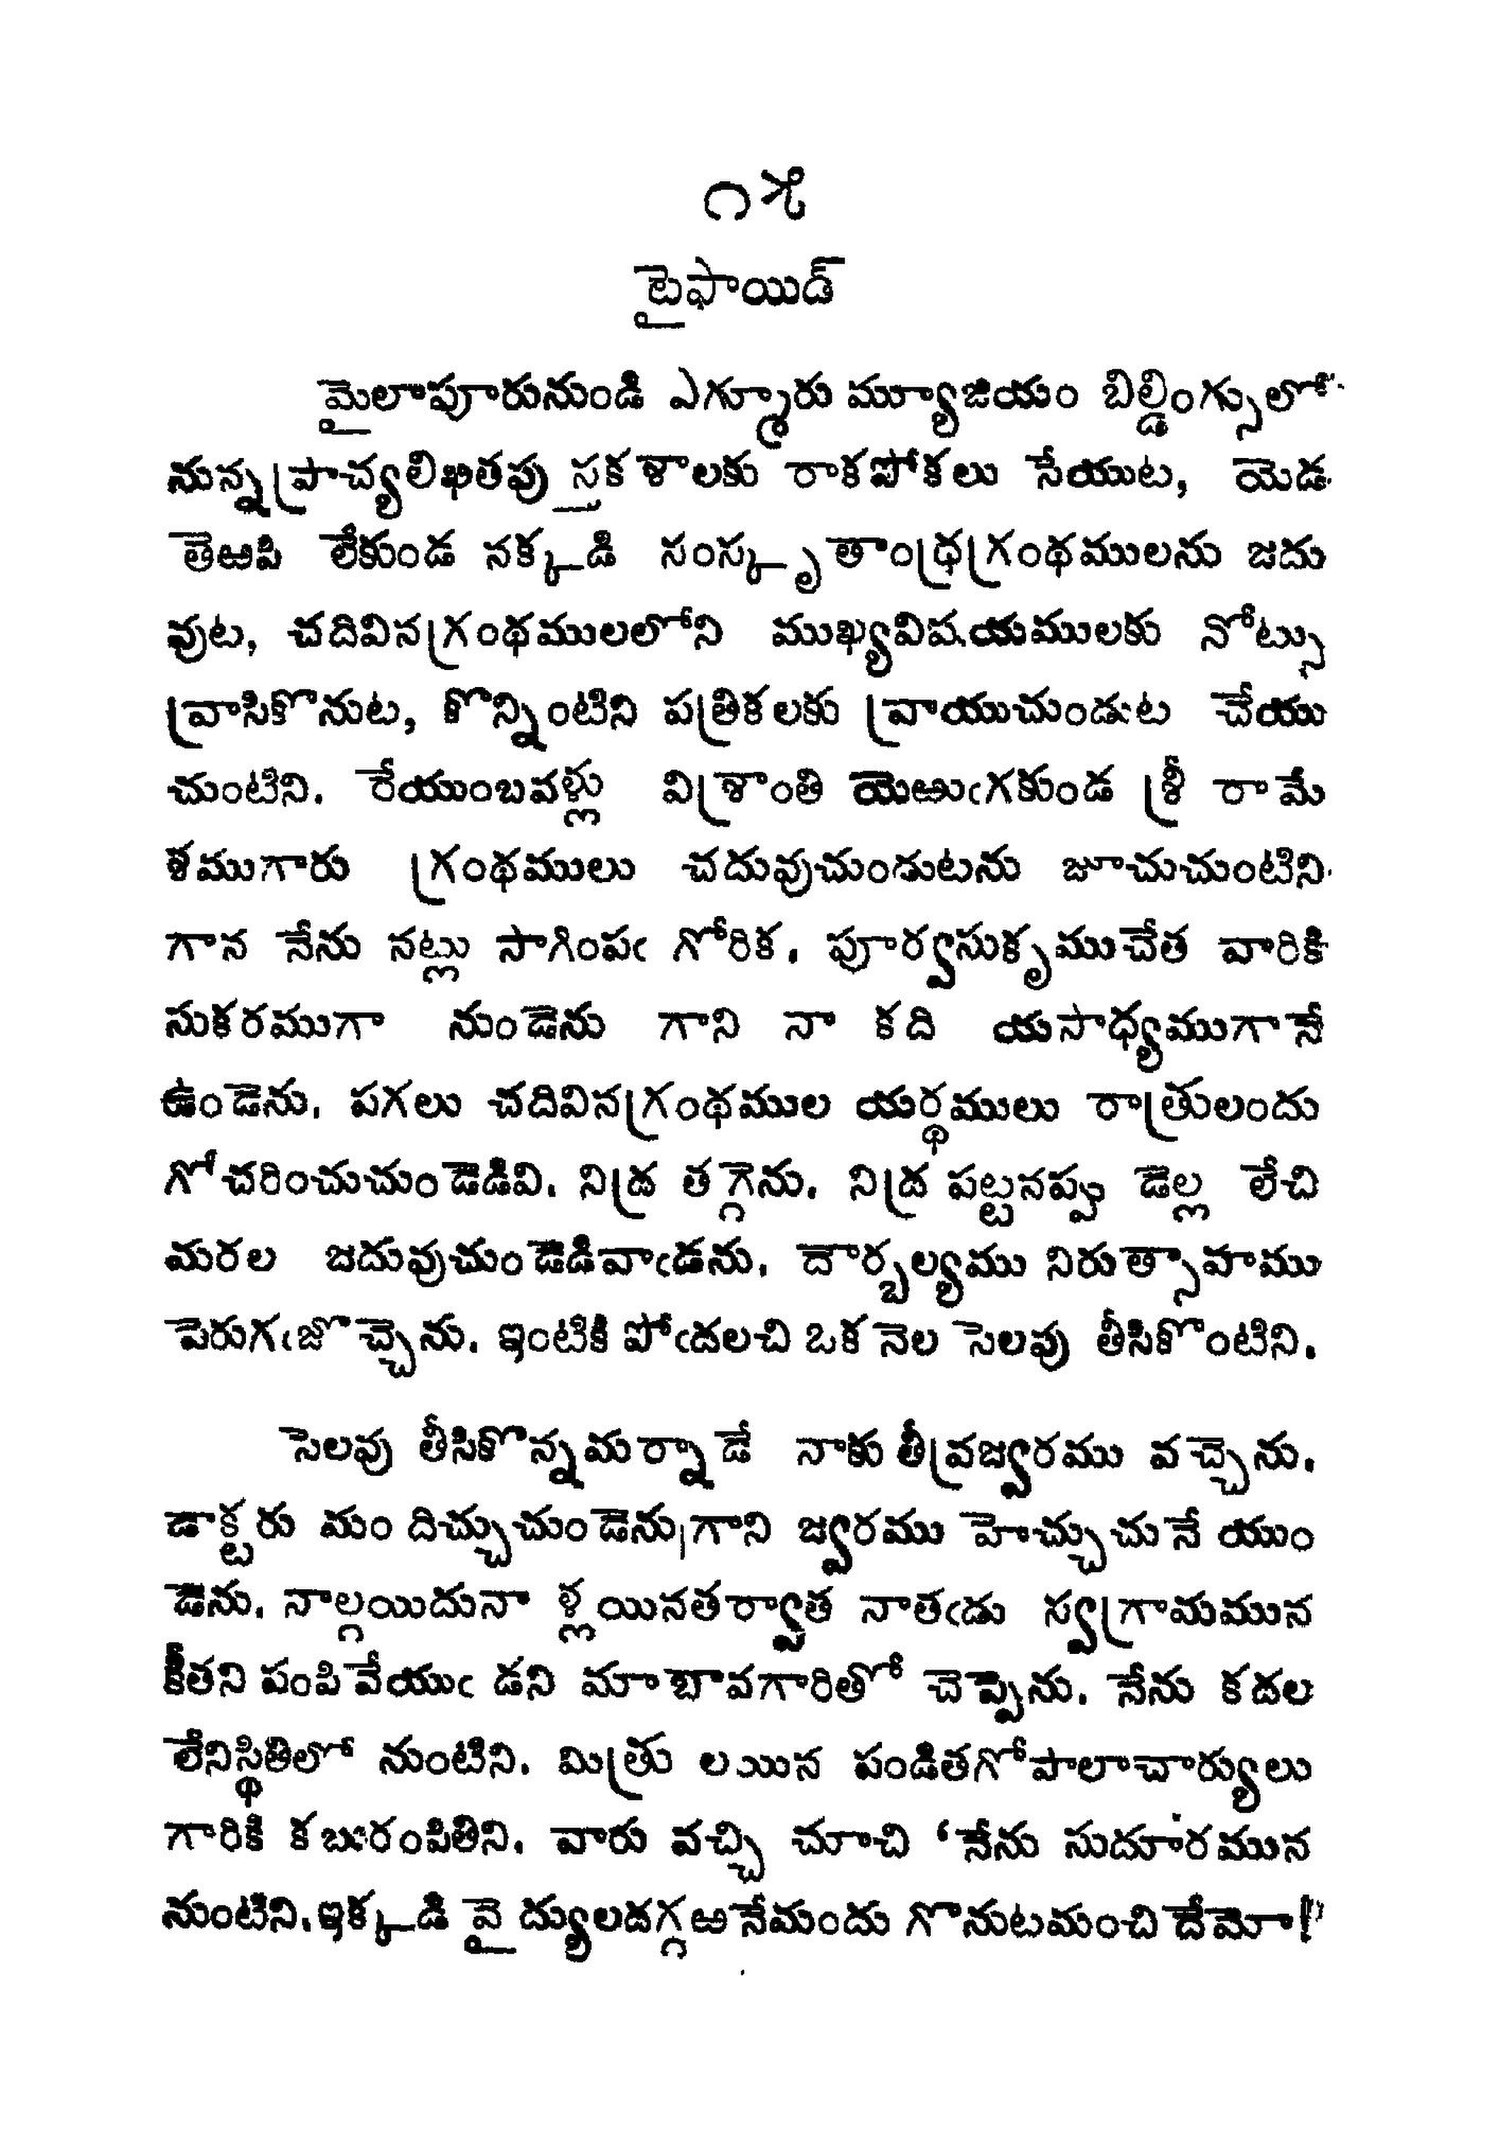మైలాపూరునుండి ఎగ్మూరు మ్యూజియం బిల్డింగ్సులో నున్న ప్రాచ్యలిఖిత పుస్తకశా లకు రాకపోకలు సేయుట, యెడ తెఱపి నక్కడి సంస్కృతాంధ్రములను జసువుట, చదివి గ్రంధములలోని ముఖ్యవిషయములకు నోట్సు వ్రాసికొనుట, కొన్నింటి పత్రికలకు వ్రాయుచుండు ట చేయుచుంటిని. రేయుంబవళ్లు విశ్రాంతి యెఱుఁగ కుండ శ్రీ రామేశముగారు గ్రంధములు చదువు చుండుటను జూచు చుంటిని గాన నట్లు సాగింపఁ గోరిన పూర్వసుకృతము చేత వారికి సుకరముగా నుండెను గాని నాకది యసాధ్యము గానే ఉండెను. పగలు చదవిన గ్రంధముల యర్ధములు రాత్రులందు గోచరించుండెడివి. నిద్ర తగ్గెను నిద్ర పట్టనప్పుడెల్ల లేచి మరల జదువుచుండెడివాఁ డను. దౌర్బల్యము నిరుత్సాహము పెరుగఁ జొచ్చెను. ఇంటికి పోఁ దలచి ఒక నెల సెలవు తీసికొంటిని.

సెలవు తీసికొన్న మర్నాడే నాకు తీవ్ర జ్వరము వచ్చెను. డాక్టరుమందిచ్చుచుండె ను గాని జ్వరము హెచ్చుచునే యుండెను. నాల్గయిదు నాళ్ల యినతర్వాత నాతఁ డు స్వగ్రామమున కీతని పంపి వేయుఁడని మా బావగారితో చెప్పెను. నేను కదల లేని స్థితిలో నుంటిని. మిత్రు లయినపండిత గోపాలాచార్యులుగారికి కబురంపితిని. వారు వచ్చి చూచి ' నేను సుదూరమున నుంటిని. ఇక్కడి వైద్యుల దగ్గఱనే మండు గొనుట మంచి దేమో!